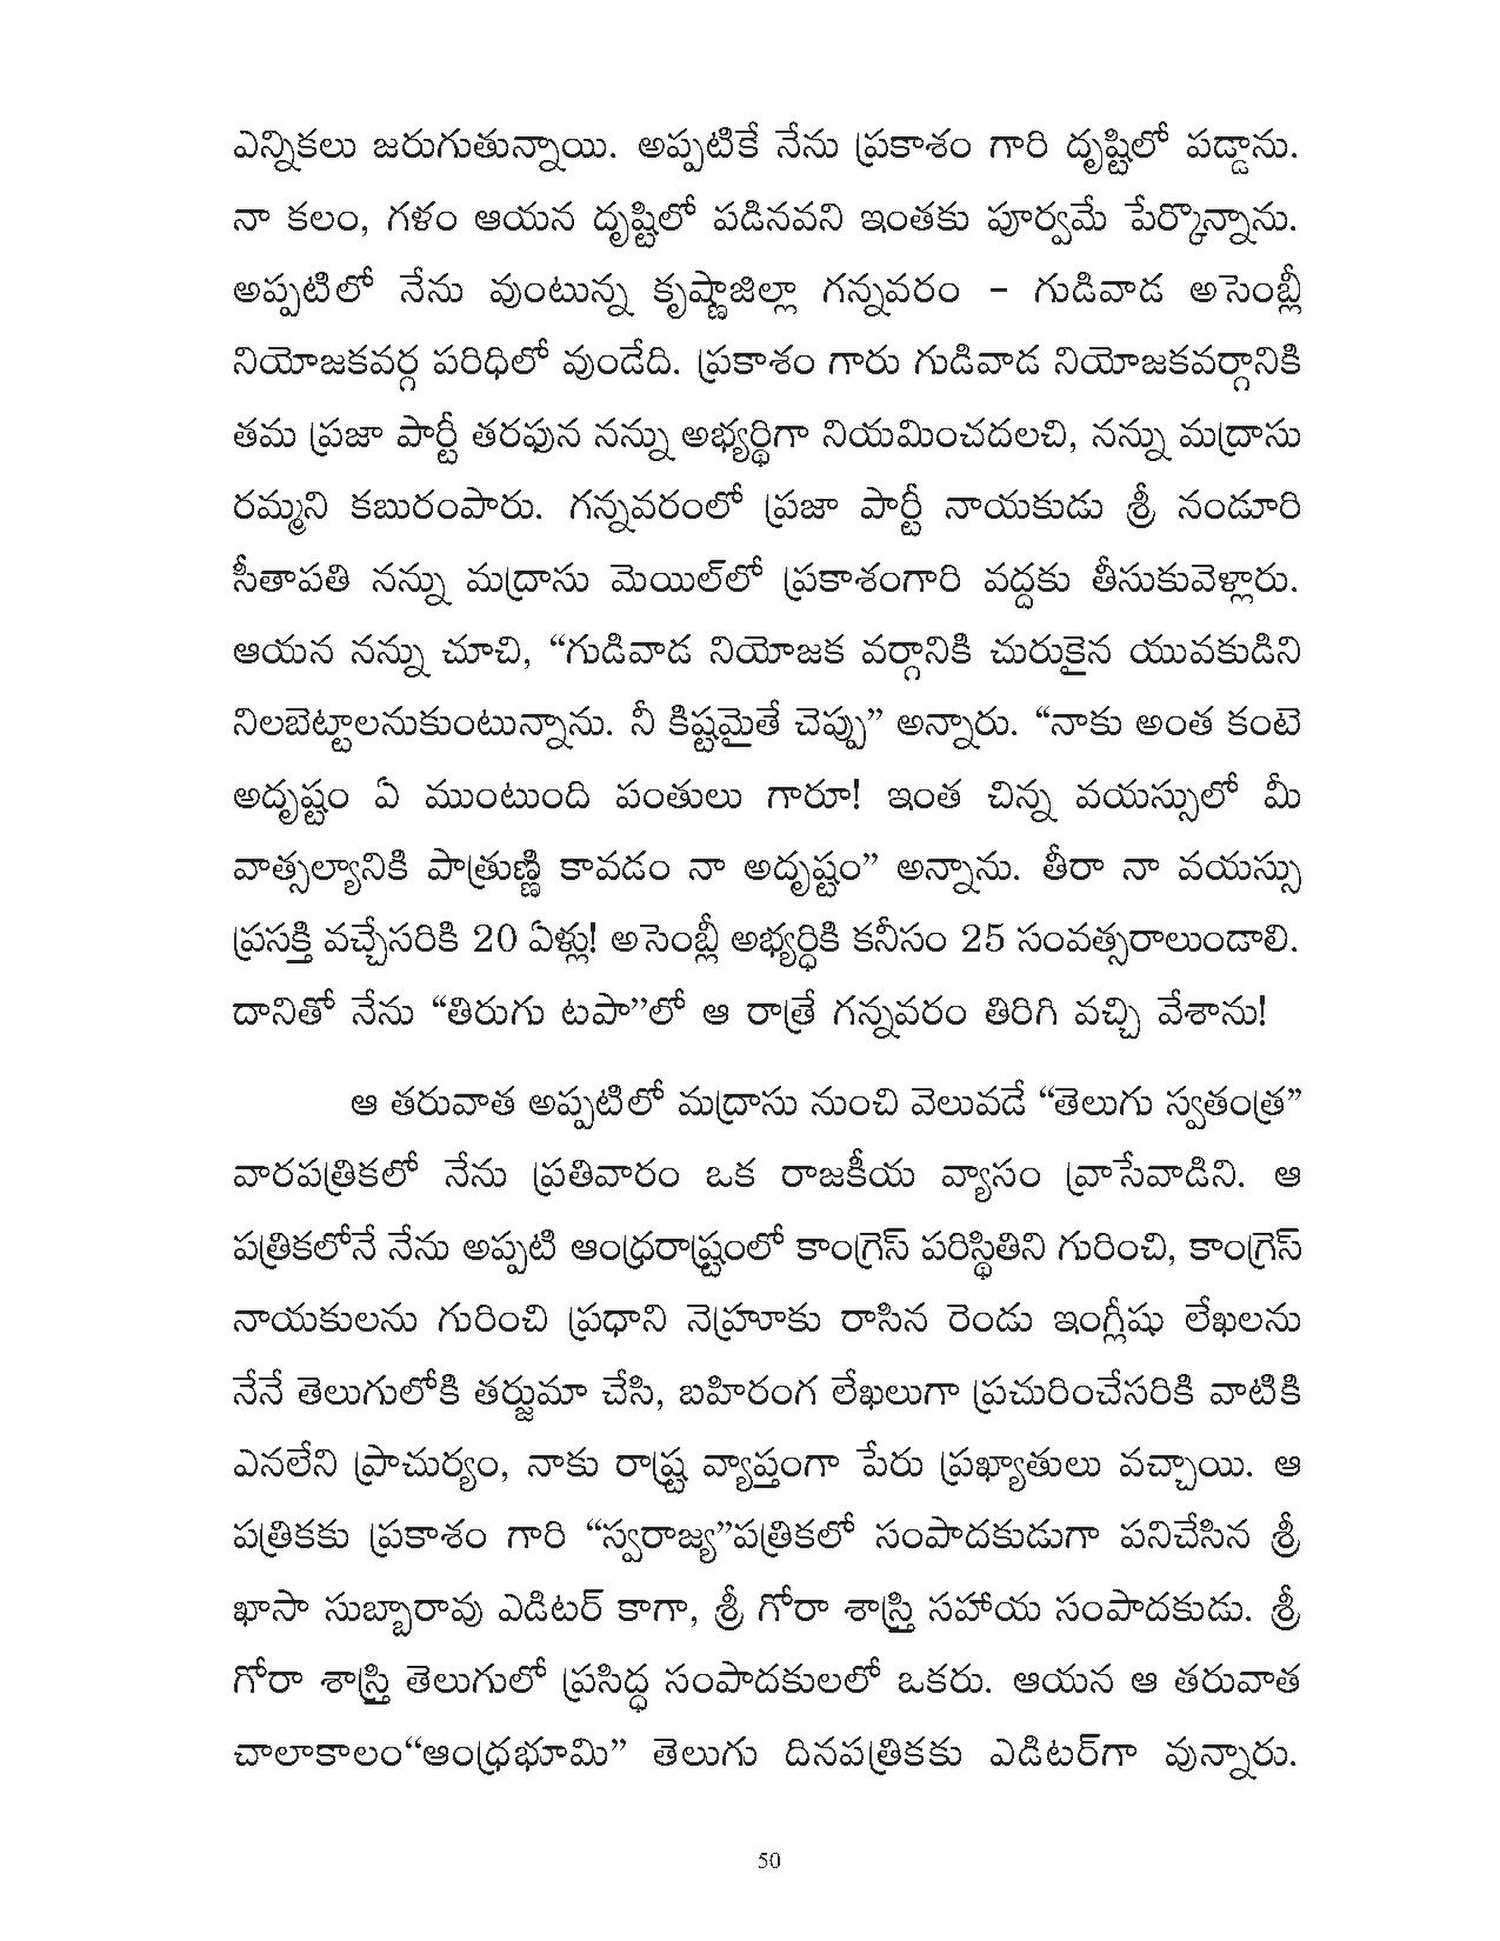ఎన్నికలు జరుగుతున్నాయి. అప్పటికే నేను ప్రకాశం గారి దృష్టిలో పడ్డాను.
నా కలం, గళం ఆయన దృష్టిలో పడినవని ఇంతకు పూర్వమే పేర్కొన్నాను.
అప్పటిలో నేను వుంటున్న కృష్ణాజిల్లా గన్నవరం - గుడివాడ అసెంబ్లీ
నియోజకవర్గ పరిధిలో వుండేది. ప్రకాశం గారు గుడివాడ నియోజకవర్గానికి
తమ ప్రజా పార్టీ తరఫున నన్ను అభ్యర్థిగా నియమించదలచి, నన్ను మద్రాసు
రమ్మని కబురంపారు. గన్నవరంలో ప్రజా పార్టీ నాయకుడు శ్రీ నండూరి
సీతాపతి నన్ను మద్రాసు మెయిల్‌లో ప్రకాశంగారి వద్దకు తీసుకువెళ్లారు.
ఆయన నన్ను చూచి, "గుడివాడ నియోజక వర్గానికి చురుకైన యువకుడిని
నిలబెట్టాలనుకుంటున్నాను. నీ కిష్టమైతే చెప్పు" అన్నారు. "నాకు అంత కంటె
అదృష్టం ఏ ముంటుంది పంతులు గారూ! ఇంత చిన్న వయస్సులో మీ
వాత్సల్యానికి పాత్రుణ్ణి కావడం నా అదృష్టం" అన్నాను. తీరా నా వయస్సు
ప్రసక్తి వచ్చేసరికి 20 ఏళ్లు! అసెంబ్లీ అభ్యర్ధికి కనీసం 25 సంవత్సరాలుండాలి.
దానితో నేను "తిరుగు టపా"లో ఆ రాత్రే గన్నవరం తిరిగి వచ్చి వేశాను!

ఆ తరువాత అప్పటిలో మద్రాసు నుంచి వెలువడే "తెలుగు స్వతంత్ర"
వారపత్రికలో నేను ప్రతివారం ఒక రాజకీయ వ్యాసం వ్రాసేవాడిని. ఆ
పత్రికలోనే నేను అప్పటి ఆంధ్రరాష్ట్రంలో కాంగ్రెస్‌ పరిస్థితిని గురించి, కాంగ్రెస్‌
నాయకులను గురించి ప్రధాని నెహ్రూకు రాసిన రెండు ఇంగ్లీషు లేఖలను
నేనే తెలుగులోకి తర్జుమా చేసి, బహిరంగ లేఖలుగా ప్రచురించేసరికి వాటికి
ఎనలేని ప్రాచుర్యం, నాకు రాష్ట్ర వ్యాప్తంగా పేరు ప్రఖ్యాతులు వచ్చాయి. ఆ
పత్రికకు ప్రకాశం గారి "స్వరాజ్య"పత్రికలో సంపాదకుడుగా పనిచేసిన శ్రీ
ఖాసా సుబ్బారావు ఎడిటర్‌ కాగా, శ్రీ గోరా శాస్త్రి సహాయ సంపాదకుడు. శ్రీ
గోరా శాస్త్రి తెలుగులో ప్రసిద్ధ సంపాదకులలో ఒకరు. ఆయన ఆ తరువాత
చాలాకాలం"ఆంధ్రభూమి" తెలుగు దినపత్రికకు ఎడిటర్‌గా వున్నారు.